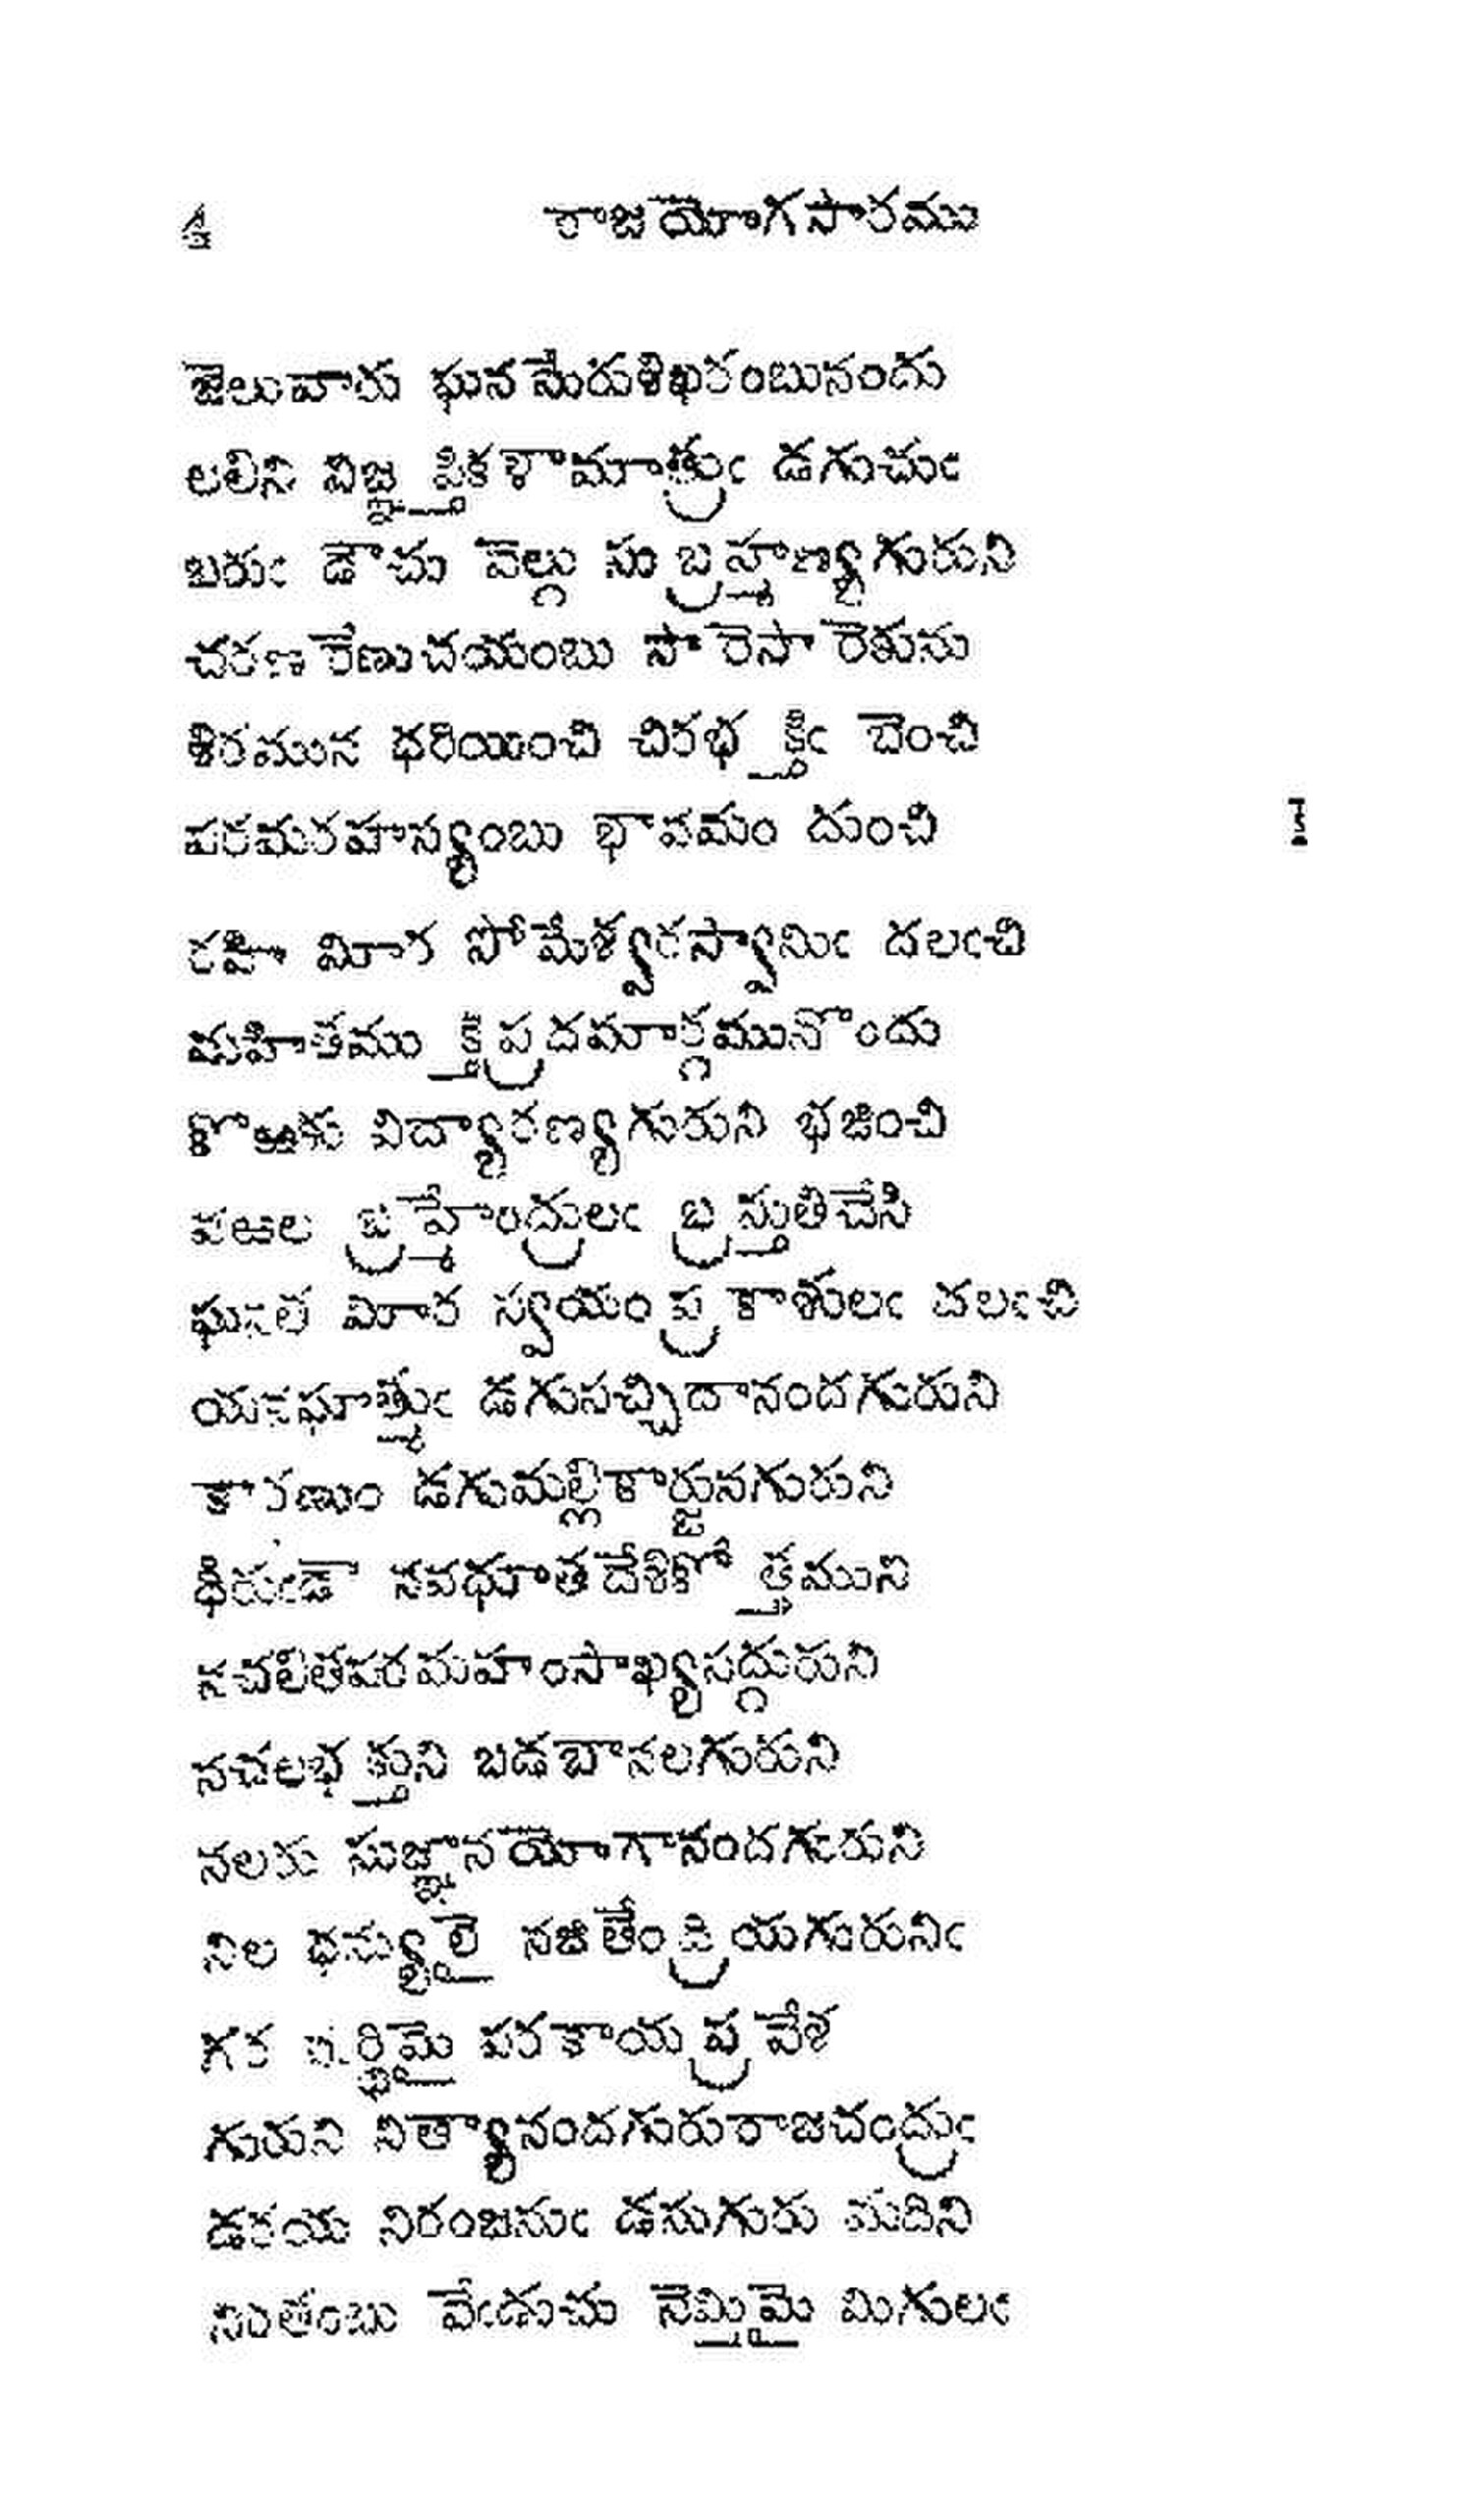జెలువారు ఘనమేరుశిఖరంబునందు
లలిని విజ్ఞప్తికళామాత్రుఁ డగుచుఁ
బరుఁ డౌచు వెల్గు సుబ్రహ్మణ్యగురుని
చరణరేణుచయంబు సారెసారెకును
శిరమున ధరియించి చిరభక్తిఁ బెంచి
పరమరహస్యంబు భావమం దుంచి 
రహి మీర సోమేశ్వరస్వామిఁ దలఁచి
మహితముక్తిప్రదమార్గమునొందు
కొఱకు విద్యారణ్యగురుని భజించి
వఱల బ్రహ్మేంద్రులఁ బ్రస్తుతి చేసి
ఘనత మీర స్వయంప్రకాశులఁ దలఁచి
యనఘాత్ముఁ డగుసచ్చిదానందగురుని
కారణుం డగుమల్లికార్జునగురుని
ధీరుఁడౌ నవధూతదేశికోత్తముని
నచలితపరమహంసాఖ్యసద్గురుని
నచలభక్తుని బడబానలగురుని
నలరు సుజ్ఞానయోగానందగురుని
నిల ధన్యులై నజితేంద్రియగురునిఁ
గరమర్థియై పరకాయప్రవేశ
గురుని నిత్యానందగురురాజచంద్రుఁ
డరయ నిరంజనుఁ డనుగురు మదిని
నిరతంబు వేఁడుచు నెమ్మిమై మిగులఁ